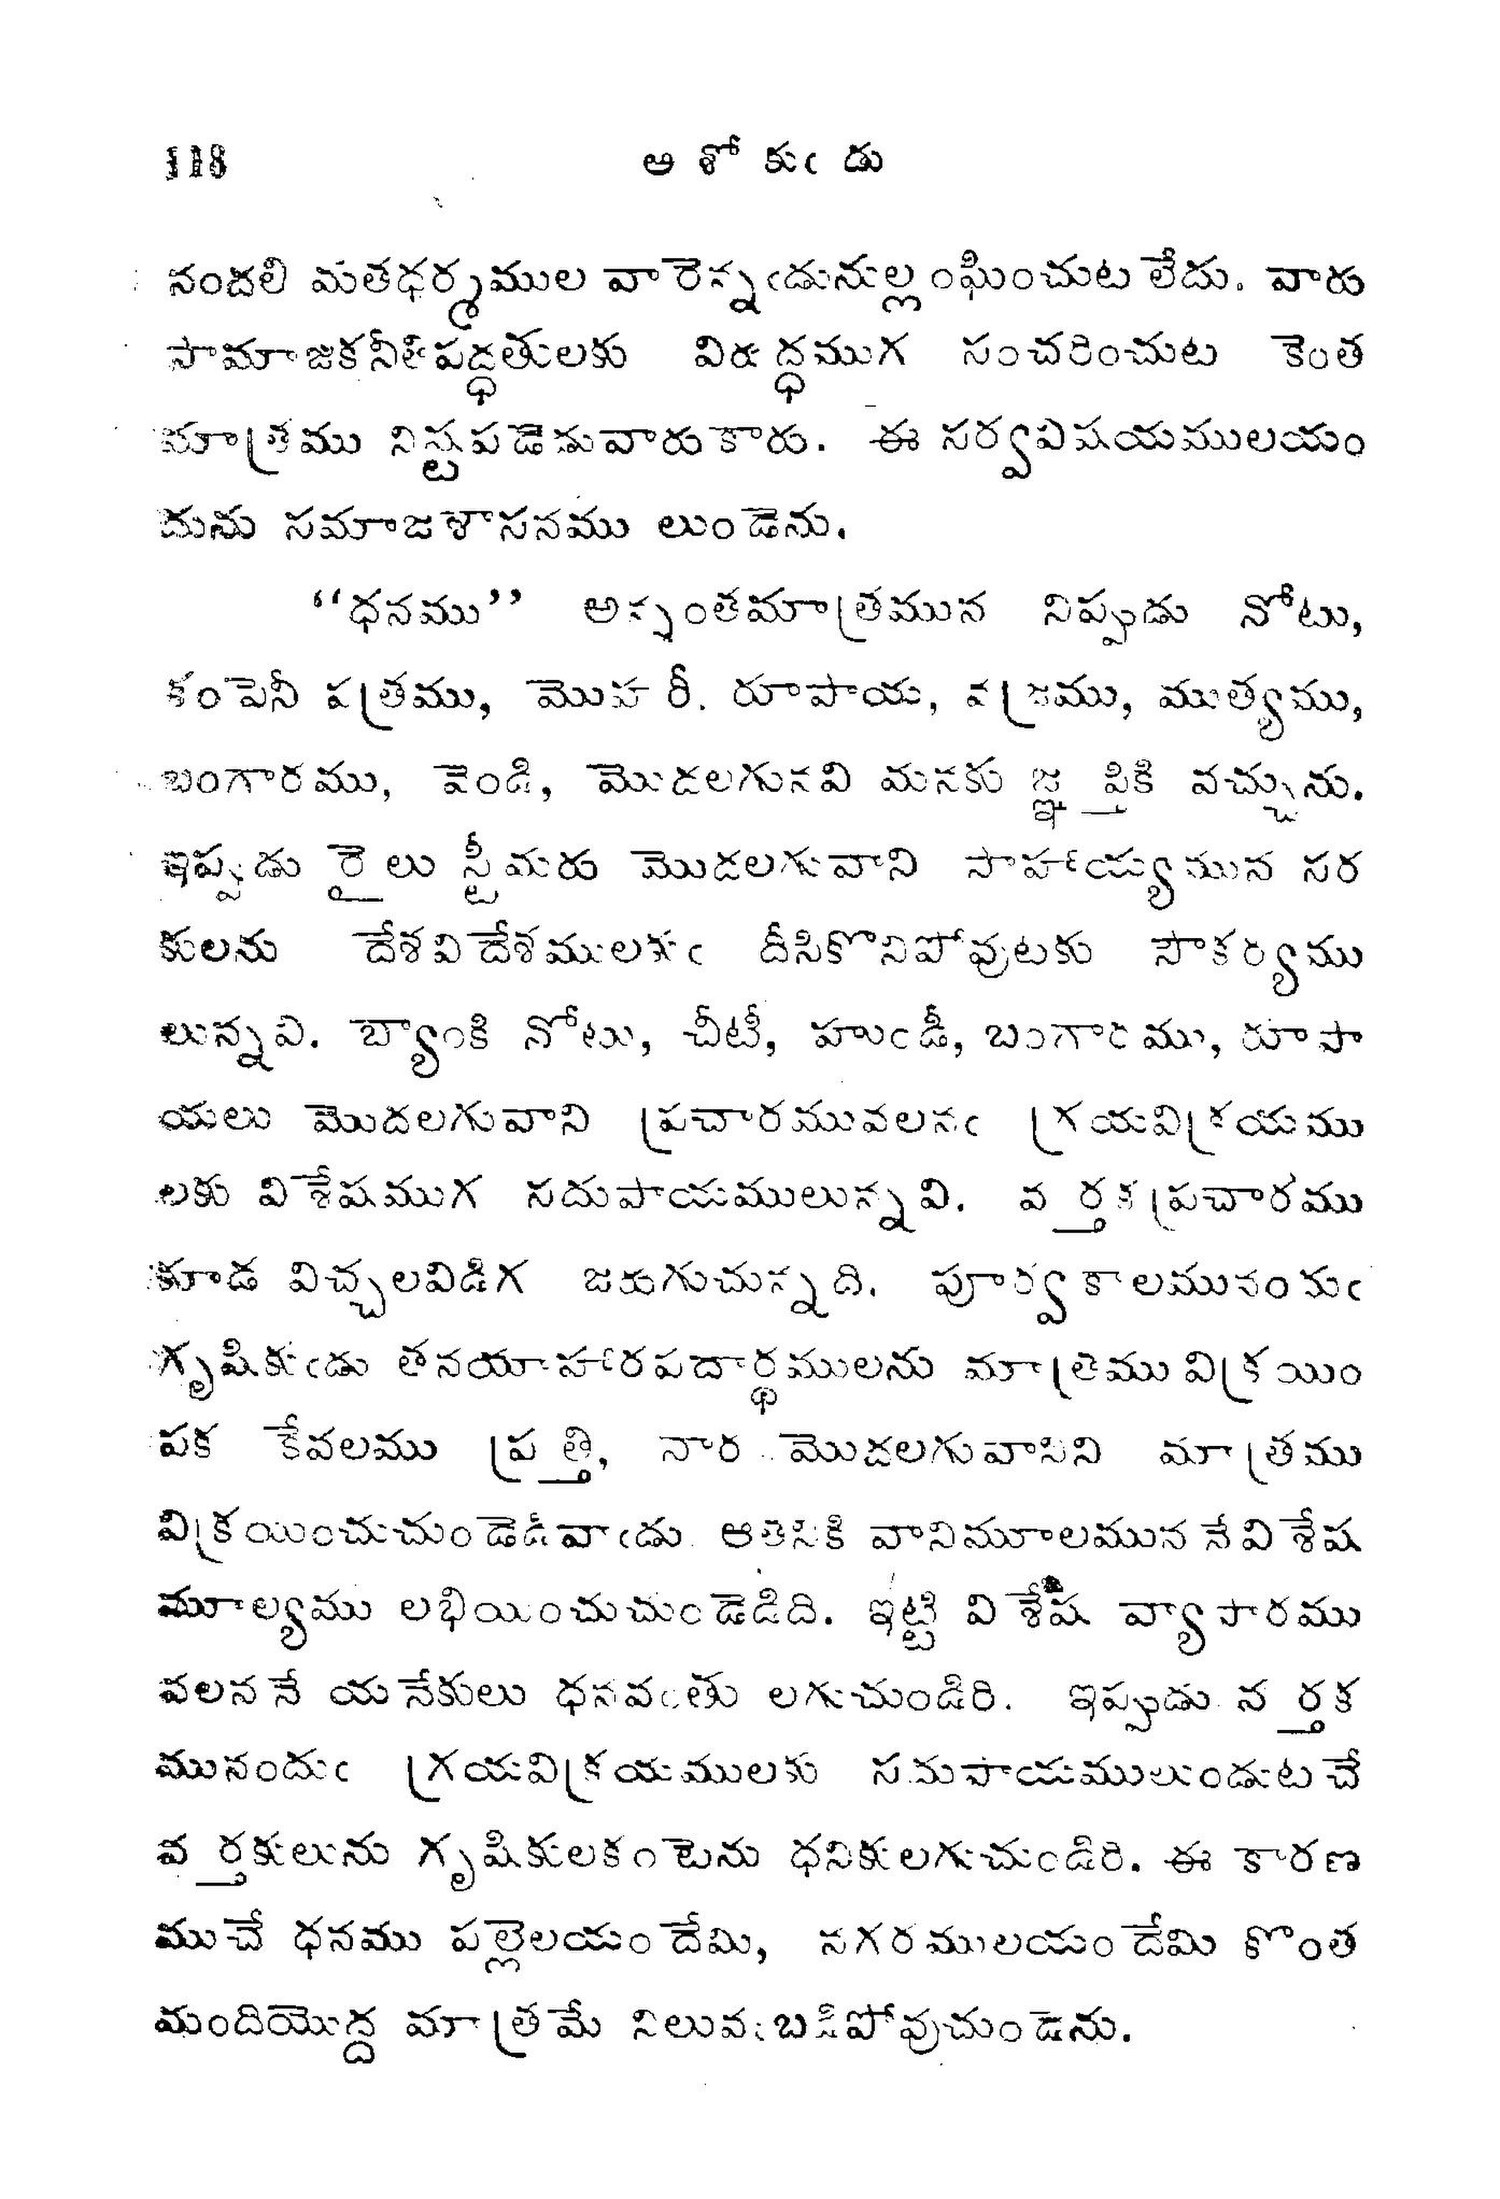నందలి మతధర్మముల వారెన్నఁడునుల్లంఘించుట లేదు. వారు సామాజక నీతిపద్ధతులకు విరుద్ధముగ సంచరించుట కెంత మాత్రము నిష్టపడెడు వారు కారు. ఈ సర్వవిషయముల యందును సమాజశాసనము లుండెను.

“ధనము” అన్నంతమాత్రమున నిప్పుడు నోటు, కంపెనీ పత్రము, మొహరీ. రూపాయ, వజ్రము, ముత్యము, బంగారము, వెండి, మొదలగునవి మనకు జ్ఞప్తికి వచ్చును. ఇప్పుడు రైలు స్టీమరు మొదలగు వాని సాహాయ్యమున సరకులను దేశవిదేశములకుఁ దీసికొనిపోవుటకు సౌకర్యము లున్నవి. బ్యాంకి నోటు, చీటీ, హుఁడీ, బంగారము, రూపాయలు మొదలగువాని ప్రచారమువలనఁ గ్రయవిక్రయములకు విశేషముగ సదుపాయములున్నవి. వర్తక ప్రచారము
కూడ విచ్చలవిడిగ జరుగుచున్నది. పూర్వకాలమునందుఁ గృషికుఁడు తనయాహార పదార్థములను మాత్రము విక్రయింపక కేవలము ప్రత్తి, నార మొదలగు వానిని మాత్రము
విక్రయించుచుండెడి వాఁడు. ఆతనికి వానిమూలమున నేవిశేష మూల్యము లభియించు చుండెడిది. ఇట్టి విశేష వ్యాపారము వలననే యనేకులు ధనవంతు లగుచుండిరి. ఇప్పుడు వర్తకమునందుఁ గ్రయవిక్రయములకు సదుపాయములుండుటచే వర్తకులును గృషికులకంటెను ధనికు లగుచుండిరి. ఈ కారణముచే ధనము పల్లెలయందేమి, నగరములయందేమి కొంత
మంది యెద్ద మాత్రమే నిలువఁ బడిపోవుచుండెను.